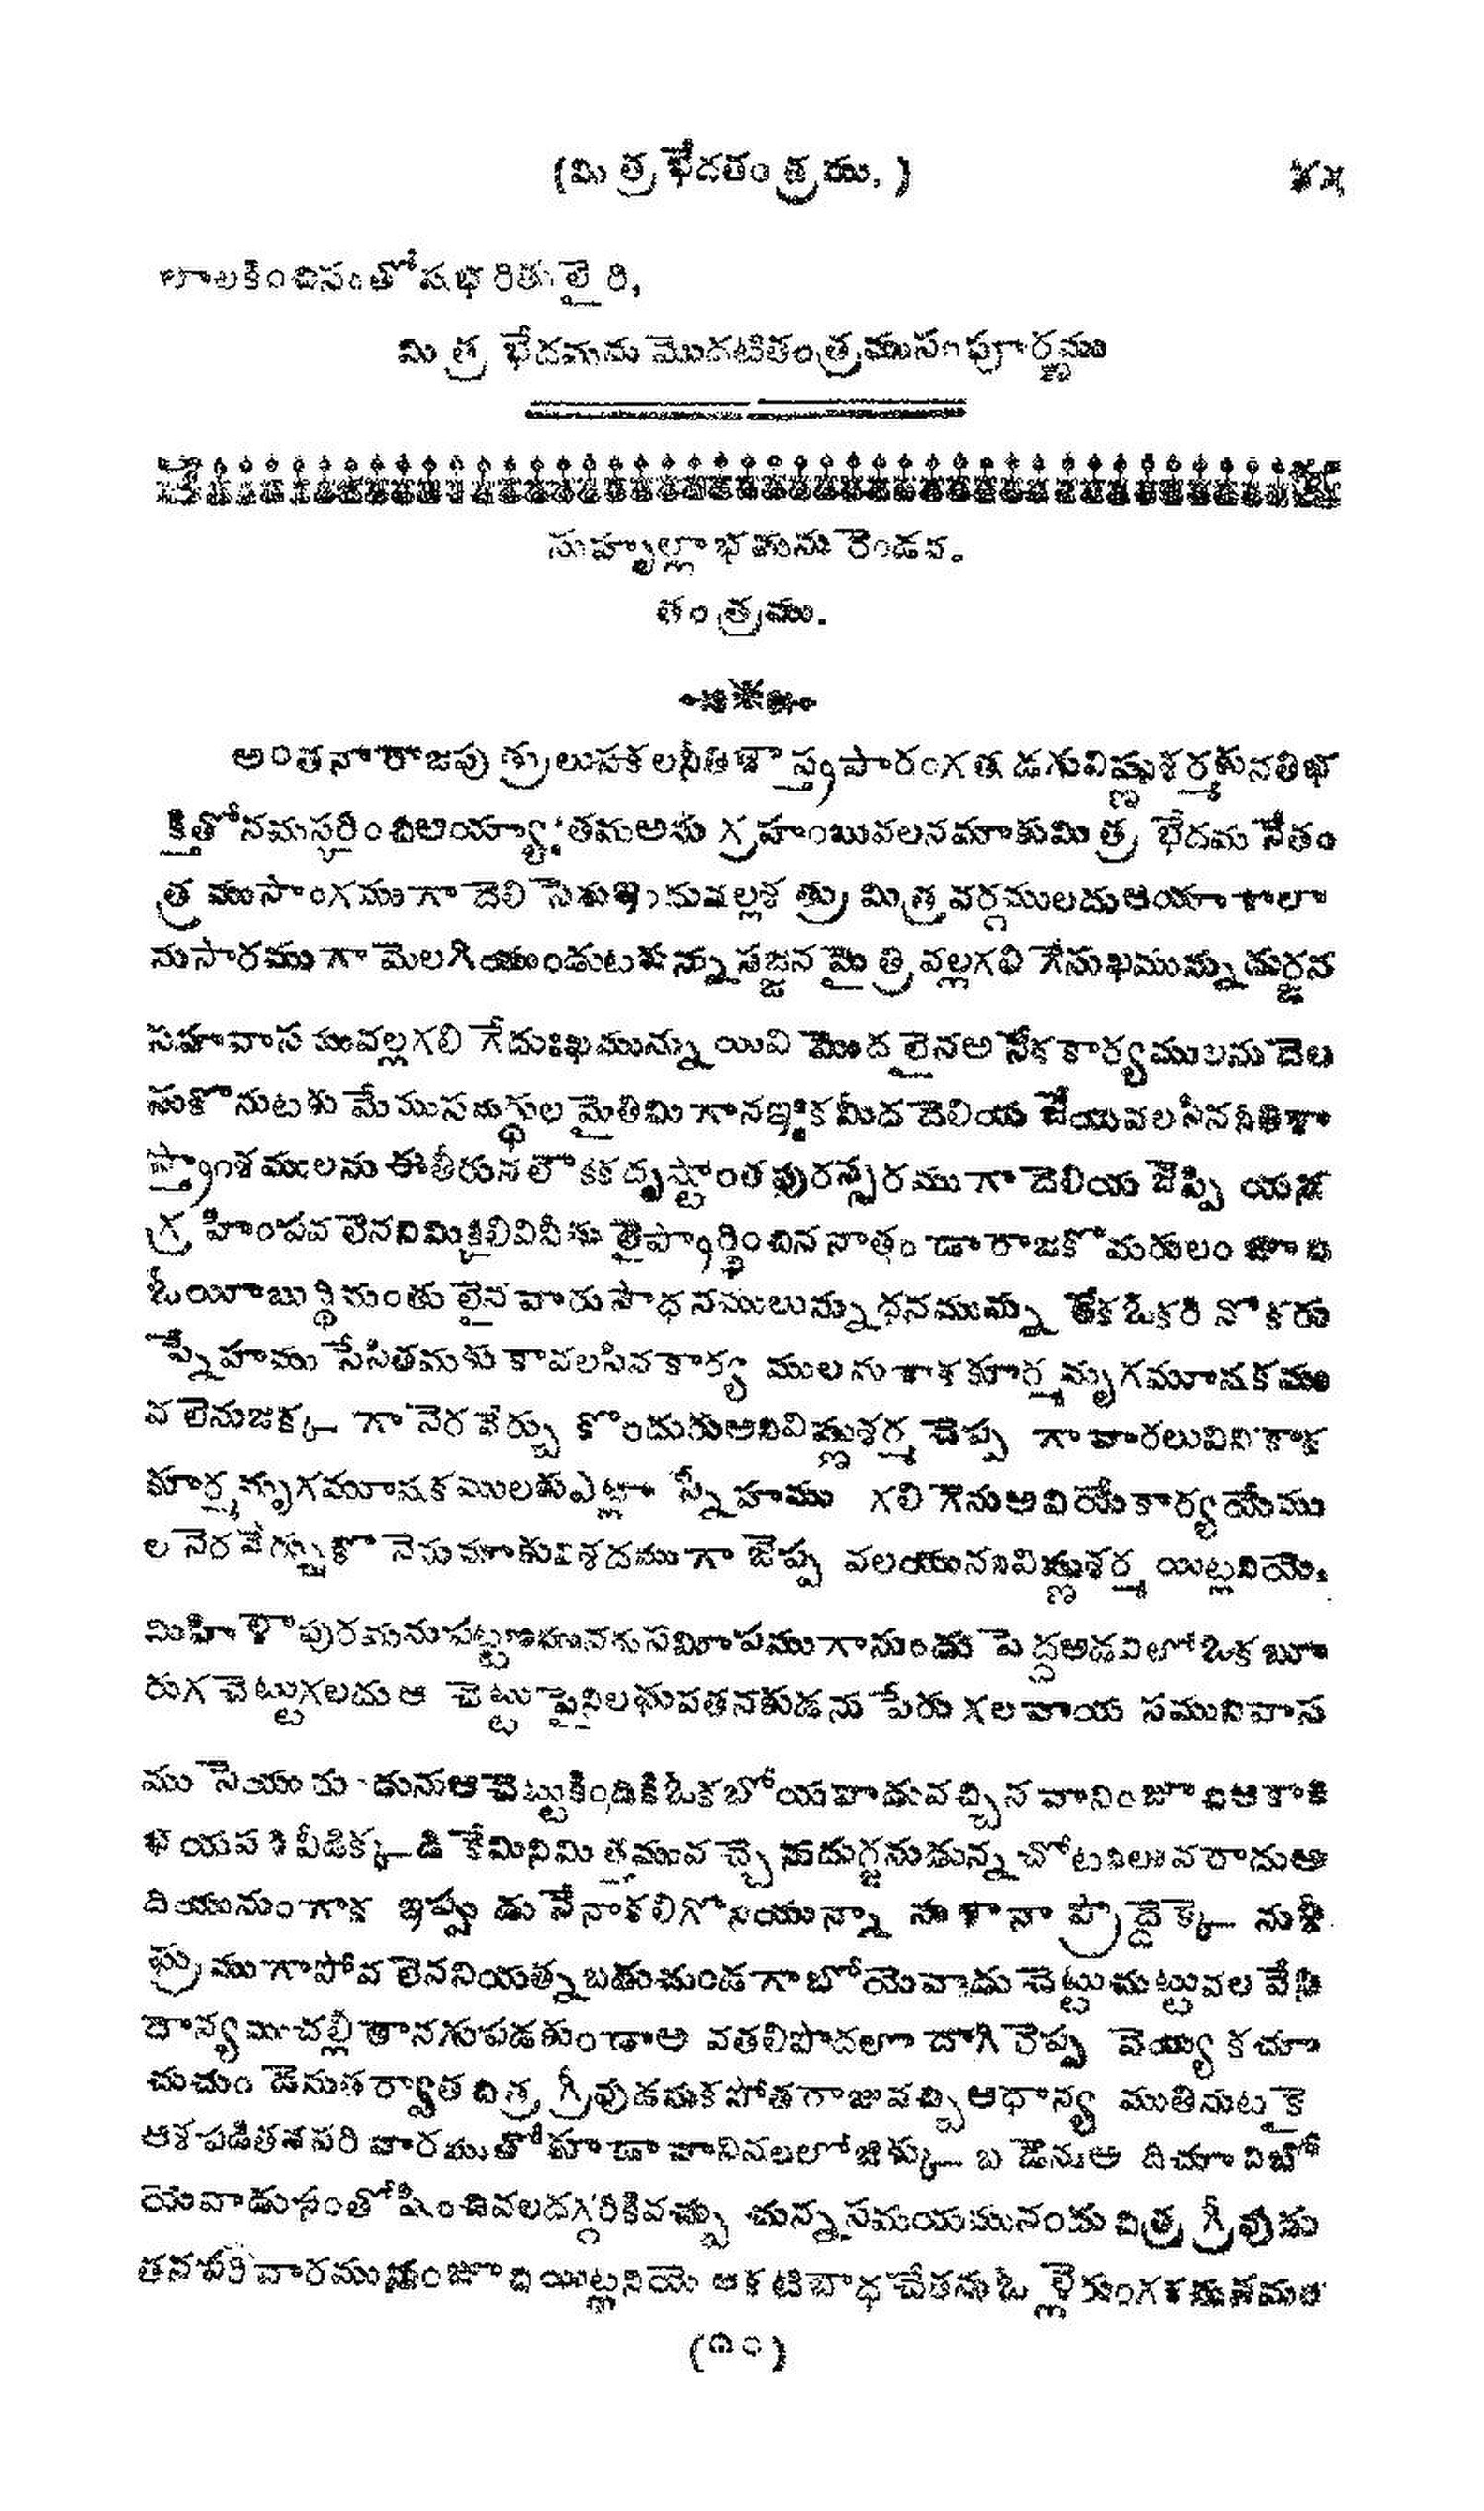లాలకించి సంతోషభరితులైరి.

సుహృల్లాభమను రెండవతంత్రము

అంత నారాజపుత్రులు సకలనీతిశాస్త్రపారంగతు డగువిష్ణుశర్మకు నతిభక్తితో నమస్కరించి అయ్యా తమఅనుగ్రహంబువలన మాకు మిత్రభేదమనేతంత్రము సాంగముగా దెలిసెను. ఇందువల్ల శత్రుమిత్రవర్గములందు ఆయాకాలానుసారముగా మెలగియుండుటకున్ను సజ్జనమైత్రివల్ల గలిగేసుఖమున్ను దుర్జనసహవాసమువల్ల గలిగేదుఃఖమున్ను యివి మొదలైన అనేకకార్యములను దెలుసుకొనుటకు మేము సమర్ధుల మైతిమి. గాన ఇకమీద దెలియజేయవలసిన నీతిశాస్త్ర్రాంశములను ఈతీరున లౌకికదృష్టాంతపురస్సరముగా దెలియజెప్పి యనుగ్రహింపవలెనని మిక్కిలివినీతులై ప్రార్థించిన నాతం డారాజకొమరులం జూచి ఓయీ బుద్ధిమంతులైనవారు సాధనములున్ను ధనమున్ను లేక ఒకరి నొకరు స్నేహము సేసి తమకు కావలసినకార్యములను కాకకూర్మమృగమూషకమువలెను జక్కగా నెరవేర్చుకొందురు అని విష్ణుశర్మ చెప్పగా వారలు విని కాకకూర్మమృగమూషకములకు ఎట్లా స్నేహము గలిగెను అవి యేకార్యముల నెరవేర్చుకొనెను. మాకు విశదముగా జెప్పవలయుననిన విష్ణుశర్మ యిట్లనియె.

మిహిళాపురమను పట్టణమునకు సమీపముగానుండు పెద్దఅడవిలో ఒకబూరుగుచెట్టు గలదు. ఆచెట్టుపైని లఘుపతనకుడను పేరుగలవాయసము నివాసము సేయుచుండును. ఆచెట్టుకిందికి ఒకబోయవాడు వచ్చన వానిఁ జూచి ఆకాకి భయపడి వీ డిక్కడి కేమినిమిత్తము వచ్చెను. దుర్జనుడున్నచోట నిలువరాదు. అదియునుం గాక ఇప్పుడు నే నాకలిగొనియున్నాను. శానా ప్రొద్దెక్కెను. శీఘ్రముగా పోవలెనని యత్నబడుచుండగా బోయవాడు చెట్టుచుట్టు వల వేసి ధాన్యము చల్లి తా నగుపడకుండా అవతలిపొదలో దాగి రెప్ప వెయ్యక చూచుచుండెను. తర్వాత చిత్రగ్రీవుడను కపోతరాజు వచ్చి ఆధాన్యము తినుటకై ఆశపడి తనపరివారముతోకూడా వానివలలో జిక్కుబడెను. అది చూచి బోయవాడు సంతోషించి వలదగ్గరికి వచ్చుచున్నసమయమునందు చిత్రగ్రీవుడు తనపరివారమునుం జూచి యిట్లనియె ఆకటిబాధచేతను ఒళ్లెరుంగక మన మత